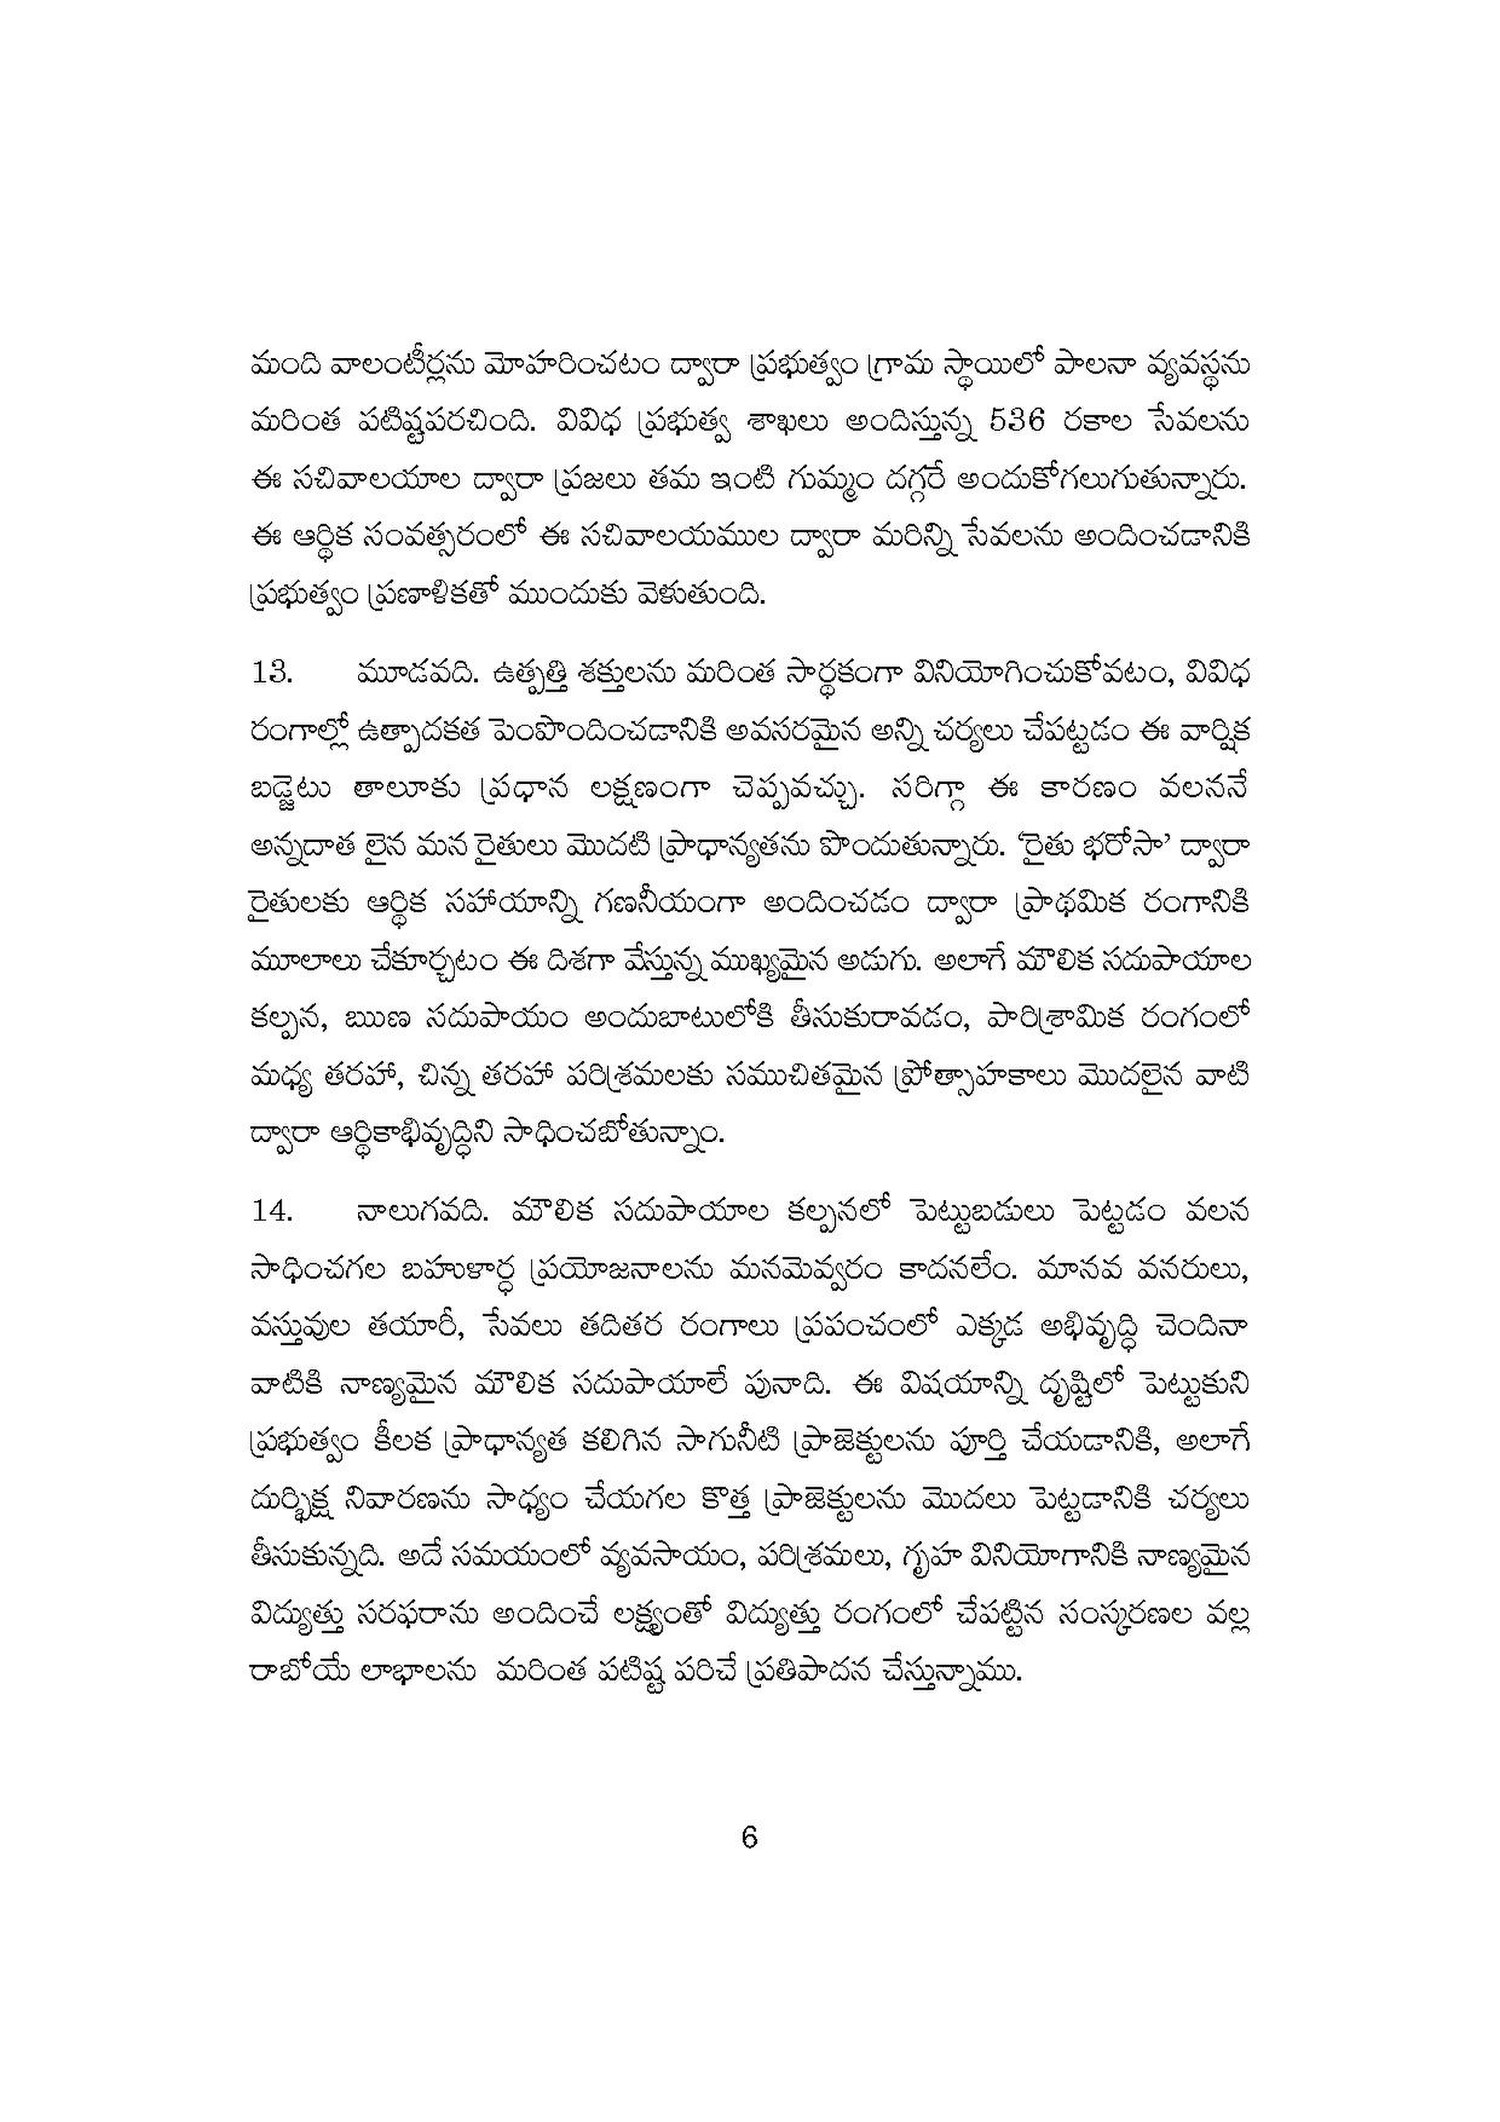మంది వాలంటీర్లను మోహరించటం ద్వారా ప్రభుత్వం గ్రామ స్థాయిలో పాలనా వ్యవస్థను మరింత పటిష్టపరచింది. వివిధ ప్రభుత్వ శాఖలు అందిస్తున్న 536 రకాల సేవలను ఈ సచివాలయాల ద్వారా ప్రజలు తమ ఇంటి గుమ్మం దగ్గరే అందుకోగలుగుతున్నారు. ఈ ఆర్థిక సంవత్సరంలో ఈ సచివాలయముల ద్వారా మరిన్ని సేవలను అందించడానికి ప్రభుత్వం ప్రణాళికతో ముందుకు వెళుతుంది. 

13. మూడవది. ఉత్పత్తి శక్తులను మరింత సార్థకంగా వినియోగించుకోవటం, వివిధ రంగాల్లో ఉత్పాదకత పెంపొందించడానికి అవసరమైన అన్ని చర్యలు చేపట్టడం ఈ వార్షిక బడ్జెటు తాలూకు ప్రధాన లక్షణంగా చెప్పవచ్చు. సరిగ్గా ఈ కారణం వలననే అన్నదాత లైన మన రైతులు మొదటి ప్రాధాన్యతను పొందుతున్నారు. 'రైతు భరోసా' ద్వారా రైతులకు ఆర్థిక సహాయాన్ని గణనీయంగా అందించడం ద్వారా ప్రాథమిక రంగానికి మూలాలు చేకూర్చటం ఈ దిశగా వేస్తున్న ముఖ్యమైన అడుగు. అలాగే మౌలిక సదుపాయాల కల్పన, ఋణ సదుపాయం అందుబాటులోకి తీసుకురావడం, పారిశ్రామిక రంగంలో మధ్య తరహా, చిన్న తరహా పరిశ్రమలకు సముచితమైన ప్రోత్సాహకాలు మొదలైన వాటి ద్వారా ఆర్థికాభివృద్ధిని సాధించబోతున్నాం. 

14. నాలుగవది. మౌలిక సదుపాయాల కల్పనలో పెట్టుబడులు పెట్టడం వలన సాధించగల బహుళార్ధ ప్రయోజనాలను మనమెవ్వరం కాదనలేం. మానవ వనరులు, వస్తువుల తయారీ, సేవలు తదితర రంగాలు ప్రపంచంలో ఎక్కడ అభివృద్ధి చెందినా వాటికి నాణ్యమైన మౌలిక సదుపాయాలే పునాది. ఈ విషయాన్ని దృష్టిలో పెట్టుకుని ప్రభుత్వం కీలక ప్రాధాన్యత కలిగిన సాగునీటి ప్రాజెక్టులను పూర్తి చేయడానికి, అలాగే దుర్భిక్ష నివారణను సాధ్యం చేయగల కొత్త ప్రాజెక్టులను మొదలు పెట్టడానికి చర్యలు తీసుకున్నది. అదే సమయంలో వ్యవసాయం, పరిశ్రమలు, గృహ వినియోగానికి నాణ్యమైన విద్యుత్తు సరఫరాను అందించే లక్ష్యంతో విద్యుత్తు రంగంలో చేపట్టిన సంస్కరణల వల్ల రాబోయే లాభాలను మరింత పటిష్ట పరిచే ప్రతిపాదన చేస్తున్నాము.